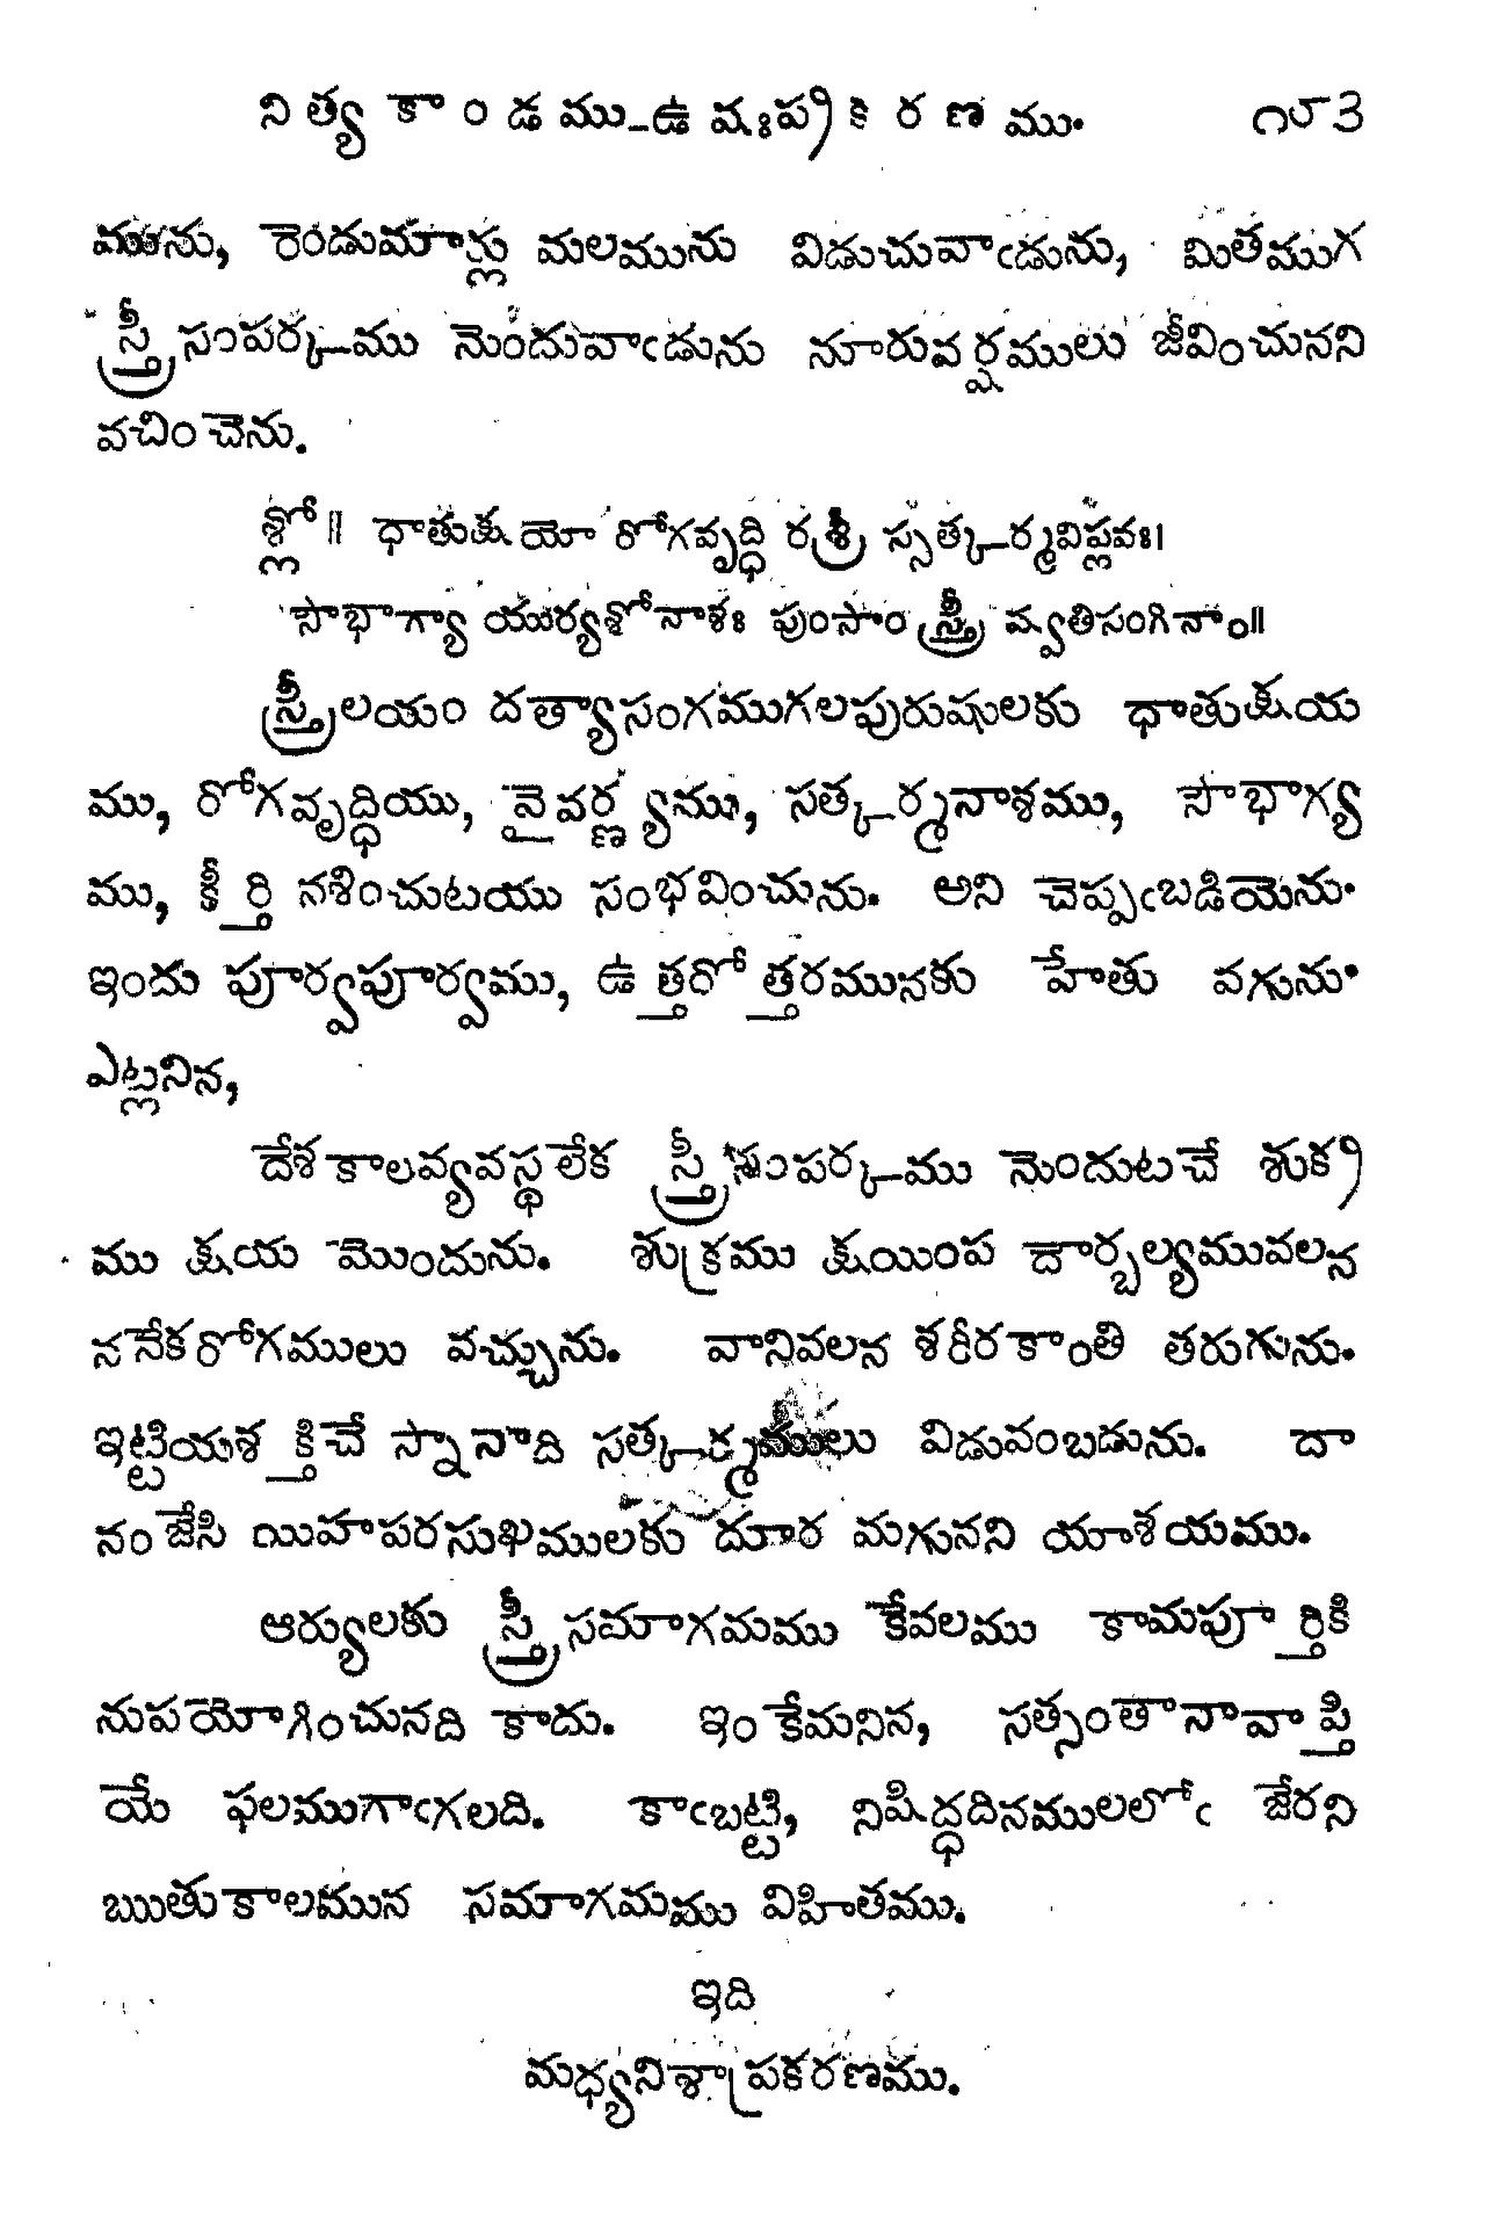మును, రెండుమార్లు మలమును విడుచువాఁడును, మితముగ స్త్రీసంపర్కము నొందువాఁడును నూరువర్షములు జీవించునని వచించెను.

శ్లో॥ ధాతుక్షయో రోగవృద్ధి రశ్రీ స్సత్కర్మవిప్లవః।
 సౌభాగ్యా యుర్యశోనాశః పుంసాం స్త్రీ ష్వతిసంగినాం॥

స్త్రీలయం దత్యాసంగముగలపురుషులకు ధాతుక్షయము, రోగవృద్ధియు, వైవర్ణ్యము, సత్కర్మనాశము, సౌభాగ్యము, కీర్తి నశించుటయు సంభవించును. అని చెప్పఁబడియెను. ఇందు పూర్వపూర్వము, ఉత్తరోత్తరమునకు హేతు వగును. ఎట్లనిన,

దేశకాలవ్యవస్థలేక స్త్రీసంపర్కము నొందుటచే శుక్రము క్షయ మొందును. శుక్రము క్షయింప దౌర్బల్యమువలన
ననేకరోగములు వచ్చును. వానివలన శరీరకాంతి తరుగును. ఇట్టియశక్తిచే స్నానాది సత్కర్మములు విడువంబడును. దానంజేసి యిహపరసుఖములకు దూర మగునని యాశయము.

ఆర్యులకు స్త్రీసమాగమము కేవలము కామపూర్తికి నుపయోగించునది కాదు. ఇంకేమనిన, సత్సంతానావాప్తి
యే ఫలముగాఁగలది. కాఁబట్టి, నిషిద్ధదినములలోఁ జేరని ఋతుకాలమున సమాగమము విహితము.